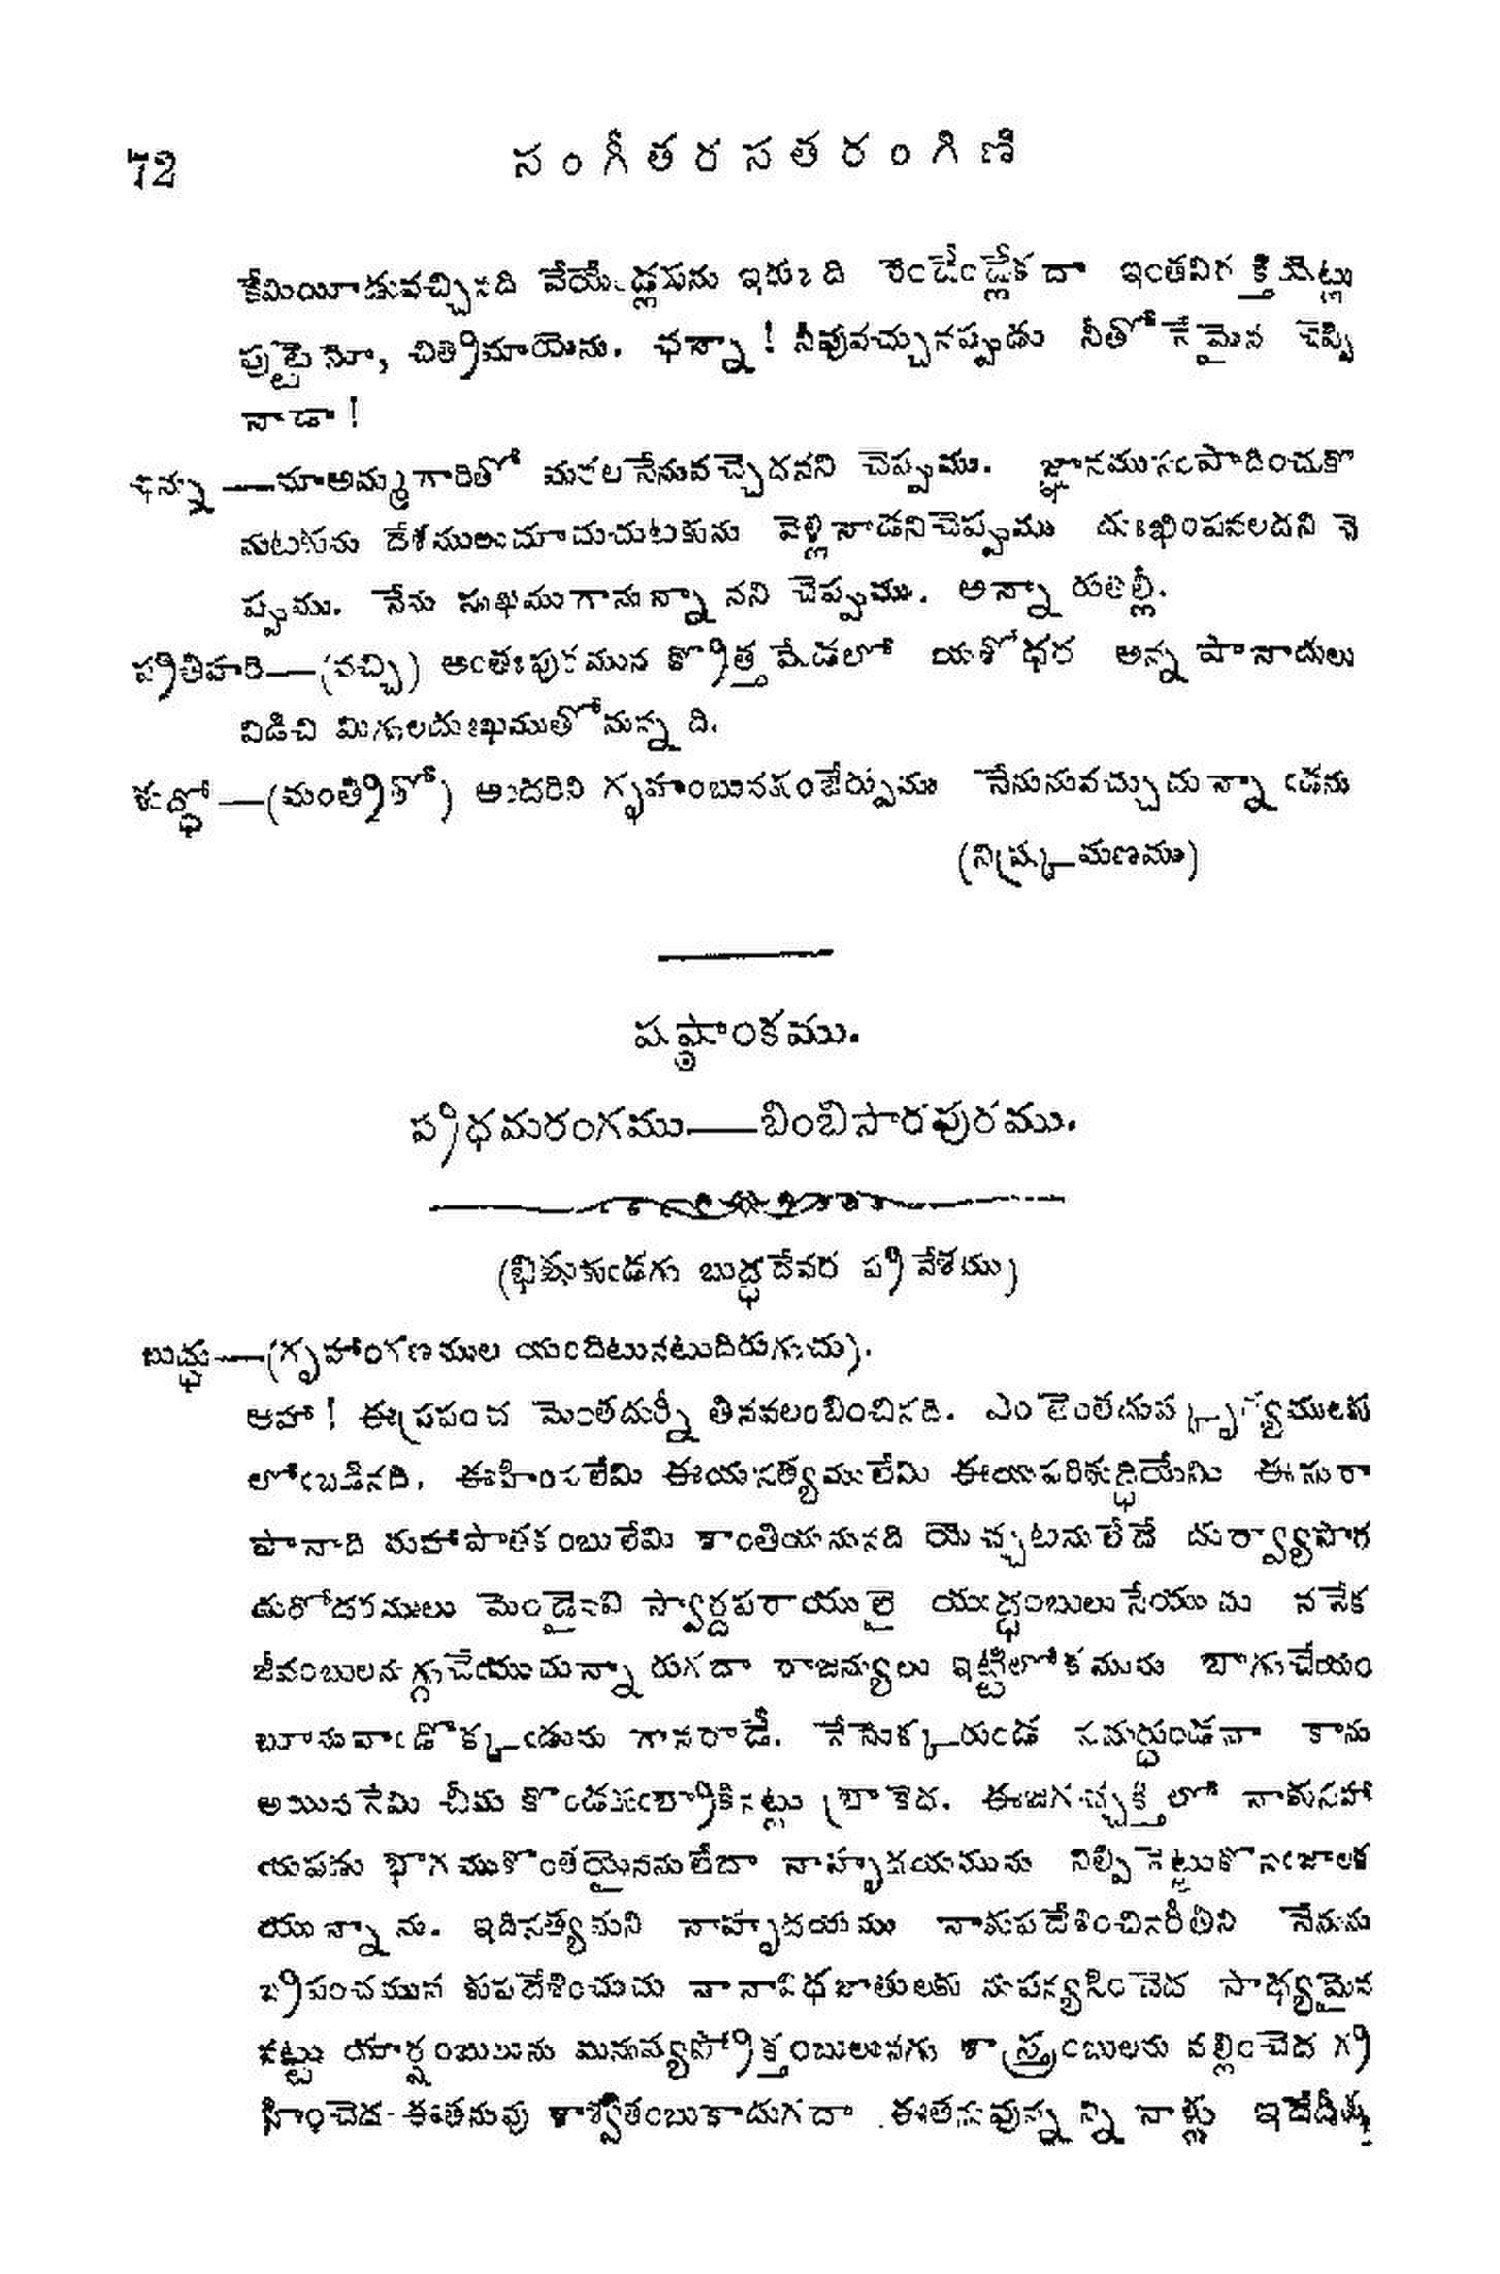కేమియీడువచ్చినది వేయేండ్లును ఇరువది రెండేండ్లేకదా ఇంతవిరక్తియెట్లు పుట్టెమో, చితిమాయెను. ఛన్నా! నీవువచ్చునప్పుడు 
నీతోనేమైనా చెప్పినాడా!

ఛన్ను - మాఅమ్మగారితో మనలనేనువచ్చెదనని చెప్పుము. జ్ఞానముసంపాదించుకొమటకును దేశములుచూచుచుటకును వెళ్లినాడని చెప్పుము దుఃఖింపవలదని చెప్పుము. నేను సుఖముగానున్నానని చెప్పుము. అన్నారు తల్లీ.

ప్రతిహరి — (వచ్చి) అంతఃపురమున క్రొత్తమేడలో యశోధర అన్న పానాదులు విడిచి మిగులదుఃఖముతో నున్నది.

శుద్ధో — (మంత్రికో) అదరిని గృహంబునకుంజేర్పుము. నేసునువచ్చుచున్నాండను

 

బుద్ధు — గృహాంగణముల యందిటునటుదిరుగుచు).

ఆహా! ఈ ప్రపంచ మెంతదుర్నీ తినవలంబించినది. ఎంఱెంతదుస్కృత్యములకు లోఁబడినది. ఈహింపలేమి ఈయసత్యములేమి 
ఈయపరిశుద్ధియేమి ఈసురాపానాది మహాపాతకంబులేమి కాంతియనునది యెచ్చటనులేదే దుర్వ్యాపారదురోదరములు మెండైనవి స్వార్ధపరాయులై యుద్ధంబులు సేయుచు ననేక జీవంబులనుగ్గుచేయుచున్నారుగదా రాజన్యులు ఇట్టిలోకమును బాగుచేయంబూను వాఁడొక్కఁడును గానరాడే. నేనెక్కరుండ సమర్ధుండనా కాను అయిననేమి చీమ కొండకుబ్రాకినట్టు బ్రాకెదె. ఈజగచ్చక్తిలో నాకు 
సహాయపడు భాగముకొంతయైననులేదా నాహృదయమును నిల్పినెట్టుకొనిఁజాలక యున్నాను. ఇది సత్యముని నాహృదయము నాకుపదేశించినరీతిని నేనును బ్రపంచమున కుపదేశించుచు నానావిధజాతులకు నుపన్యసించెద సాధ్యమైనకట్టు యార్షంబులును 
మనుష్యప్రోక్తంబులునగు శాస్త్రంబులను వల్లించెదగ్రహించెద ఈతనువు శాశ్వితంబుకాదుగదా. ఈతనువున్నన్ని నాళ్లు ఇదేదీక్ష